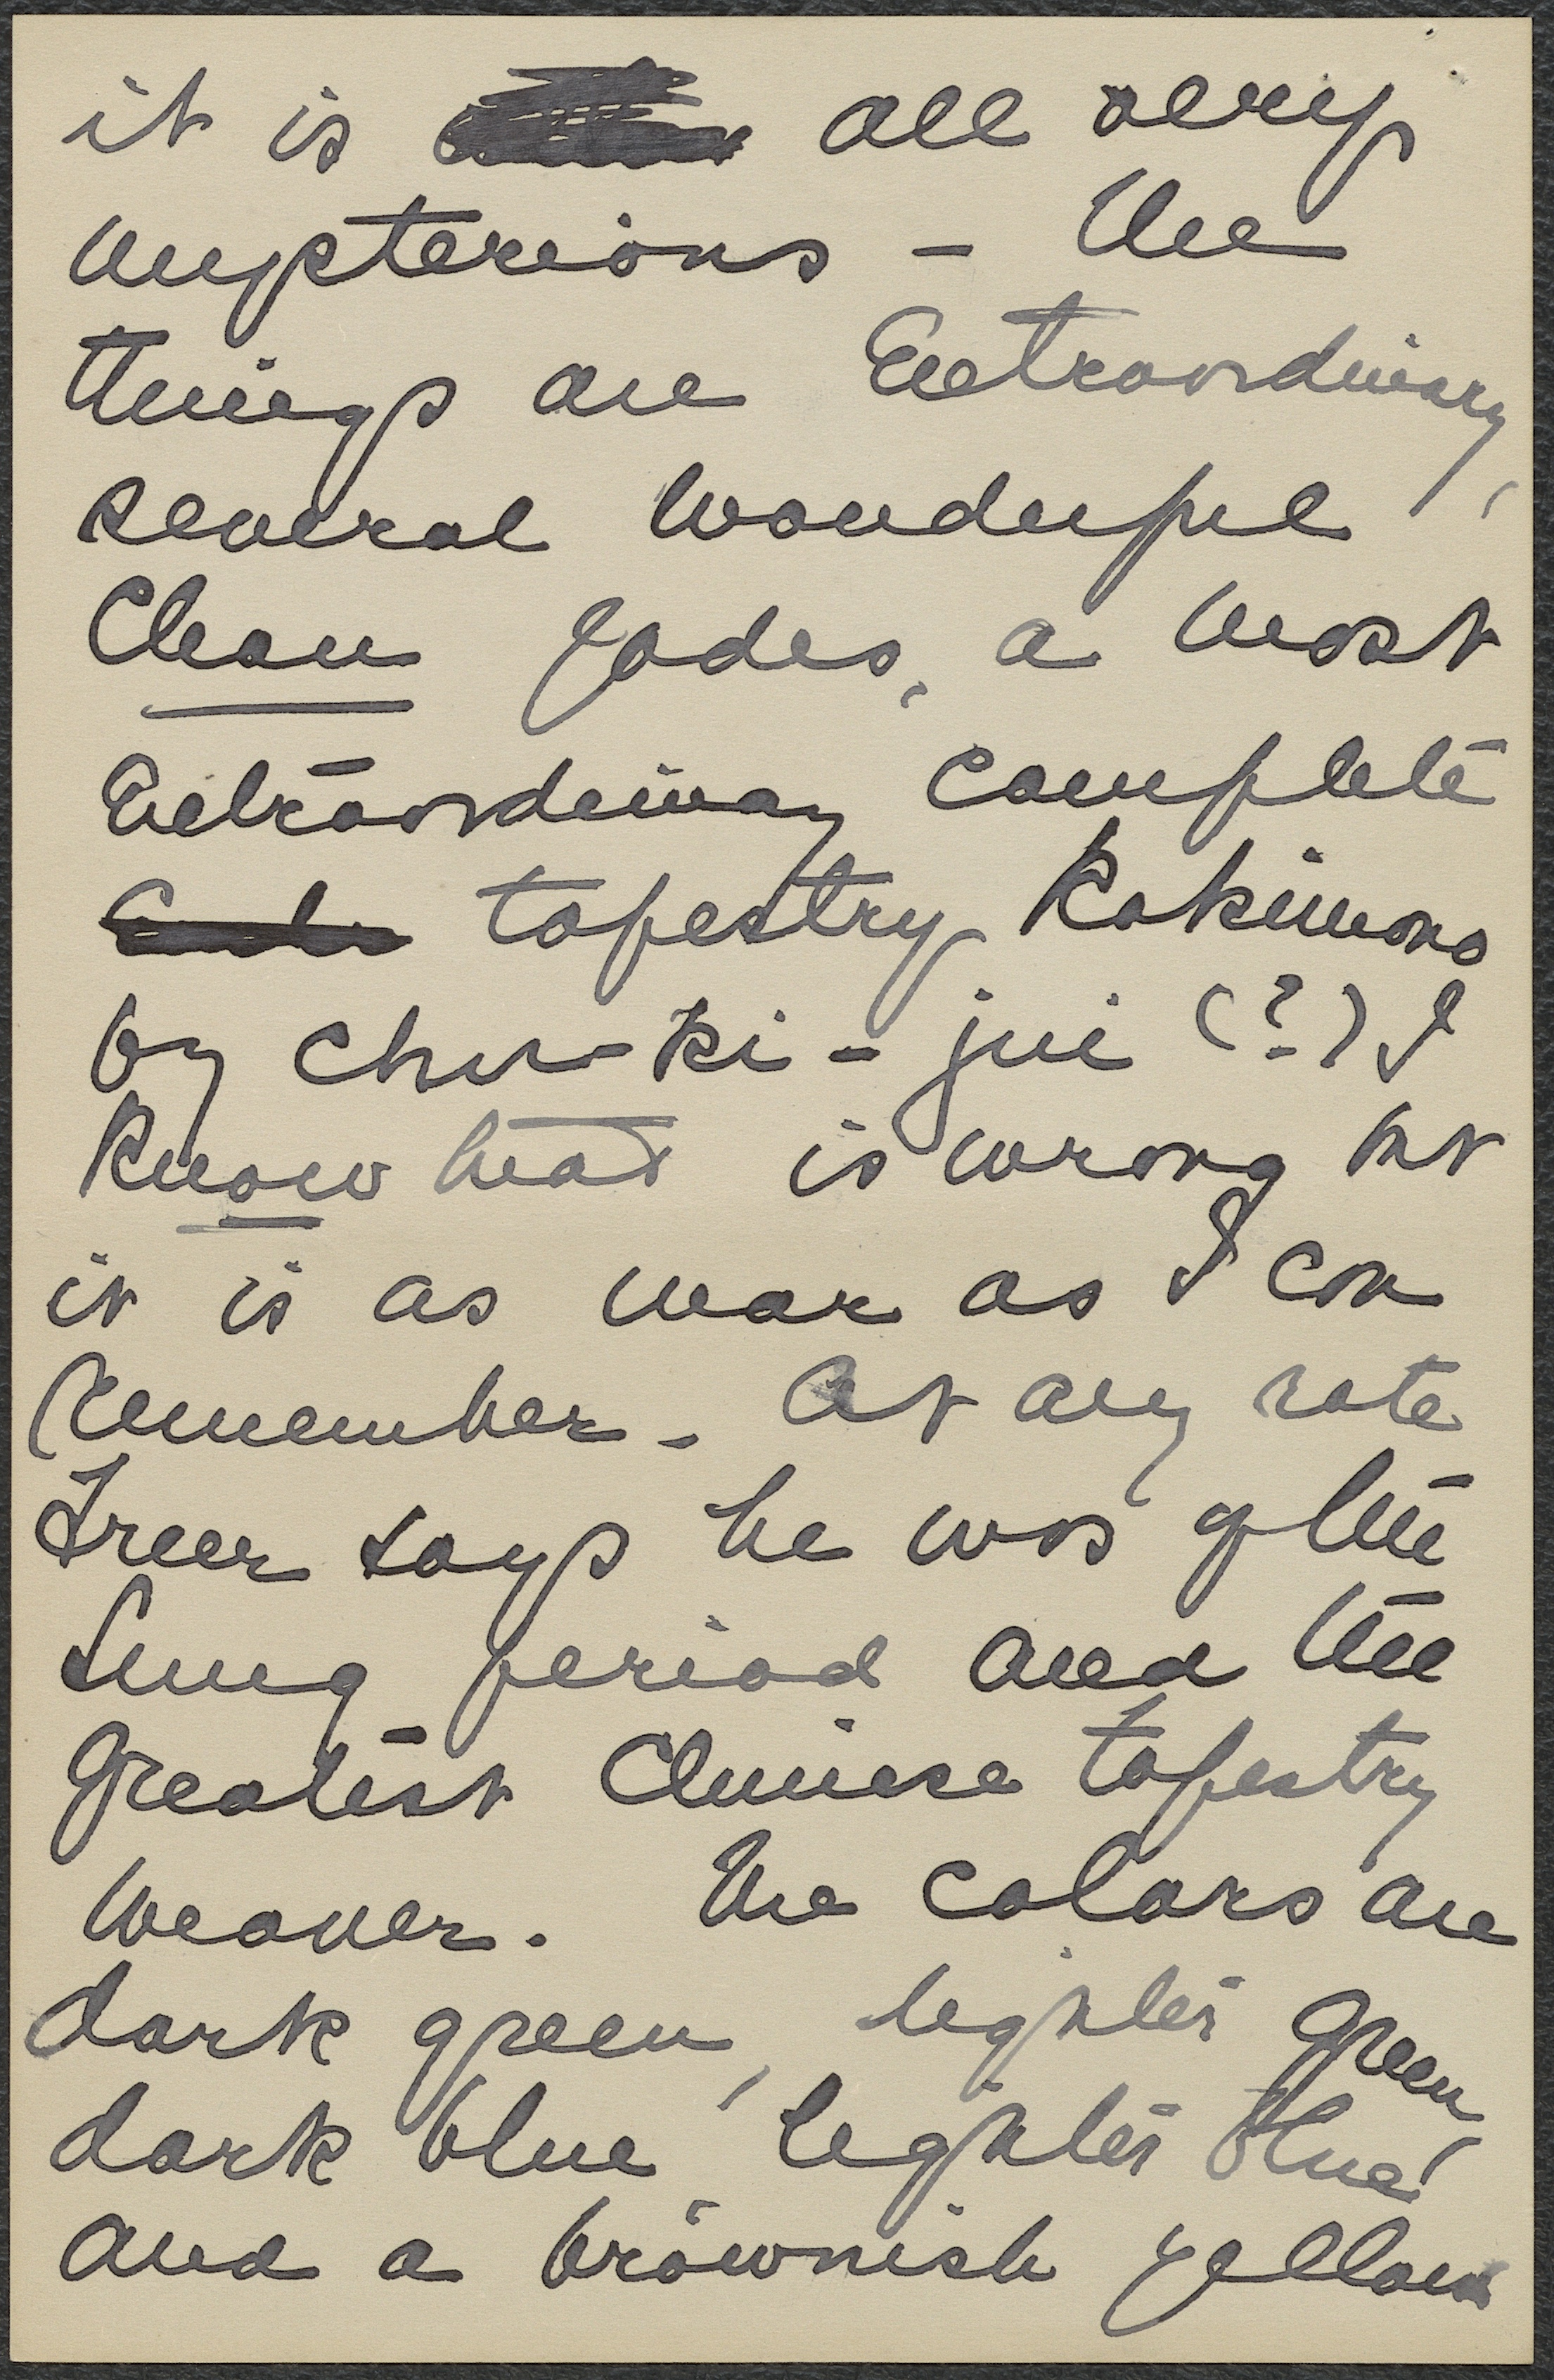it is other all very mysterious – The things are extraordinary, several wonderful Chan jades, a most extraordinary complete [illegible deletion] tapestry Kakimono [sic] by Chu-ki-jui (?) I know that is wrong but it is a near as I can remember – At any rate Freer says he was of the Sung period and the greatest Chinese tapestry weaver. The colors are dark green, lighter green, dark blue, lighter blue and a brownish yellow